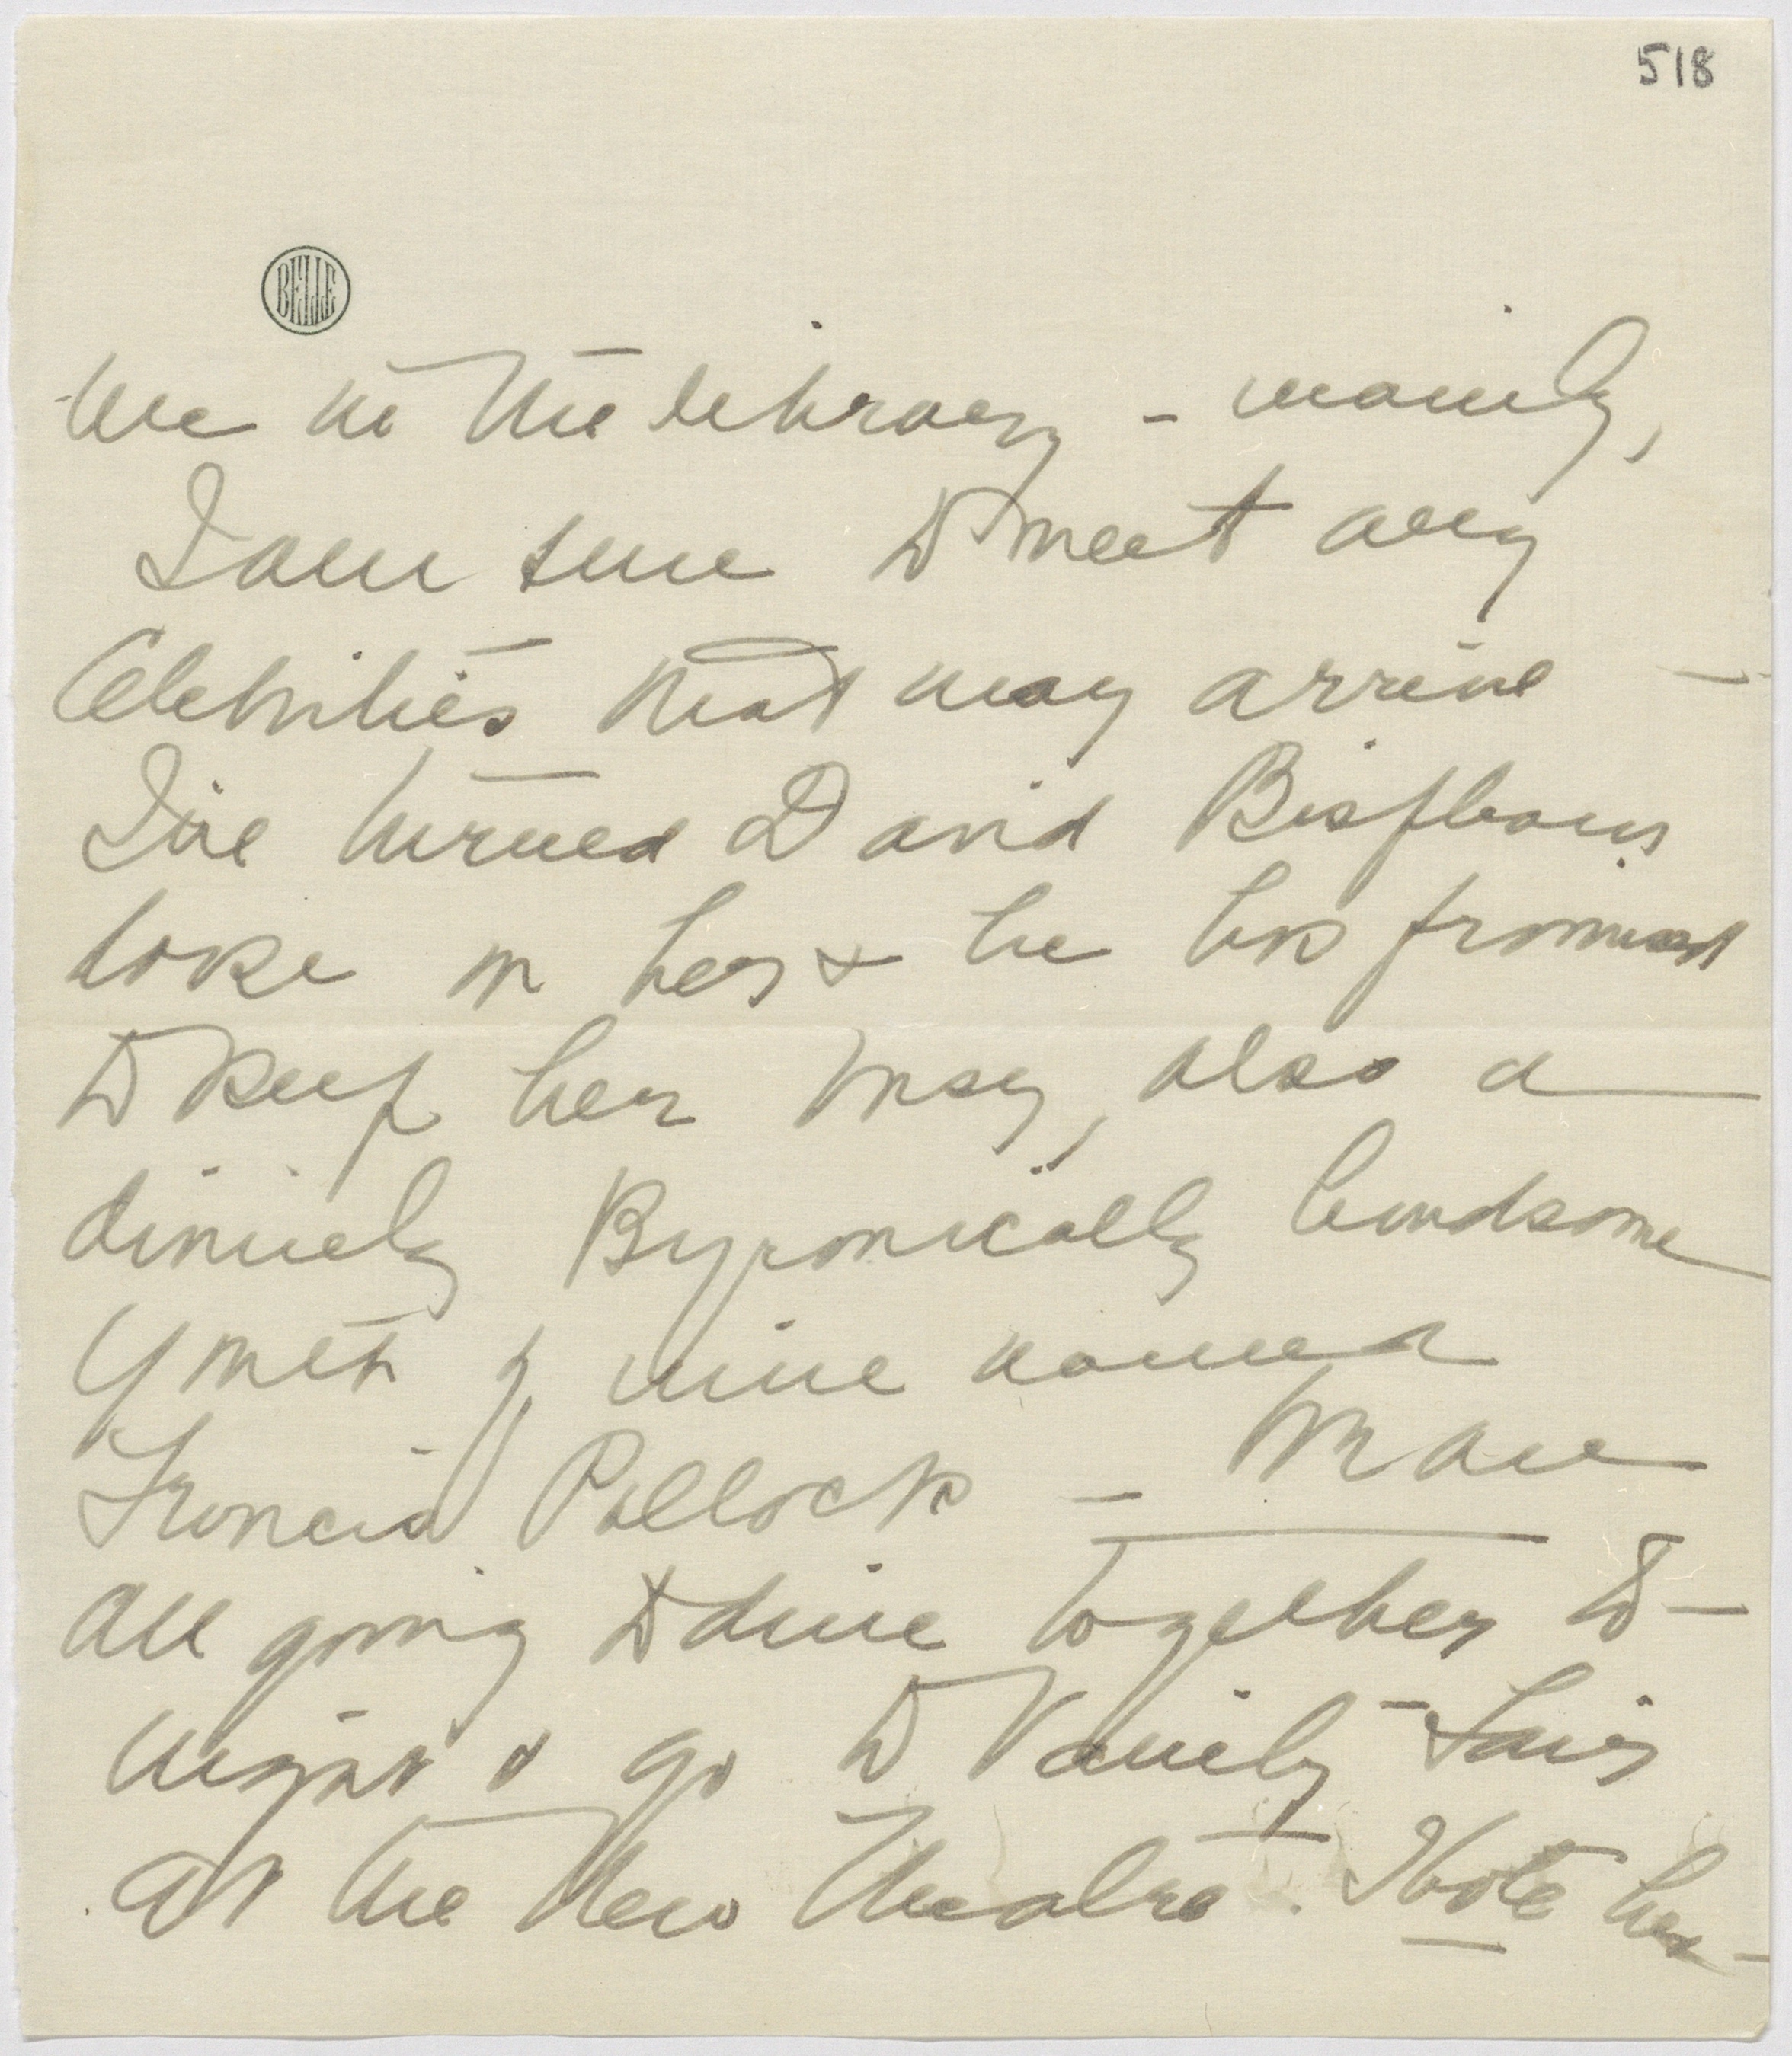me in the library – mainly, I am sure to meet any celebrities that may arrive –
I’ve turned David Bispham loose on her & he has promised to keep her busy, also a divinely Byronically handsome youth of mine named Francis Pollock – We are all going to dine together tonight & go to Vanity Fair at the New Theatre. I hate her –